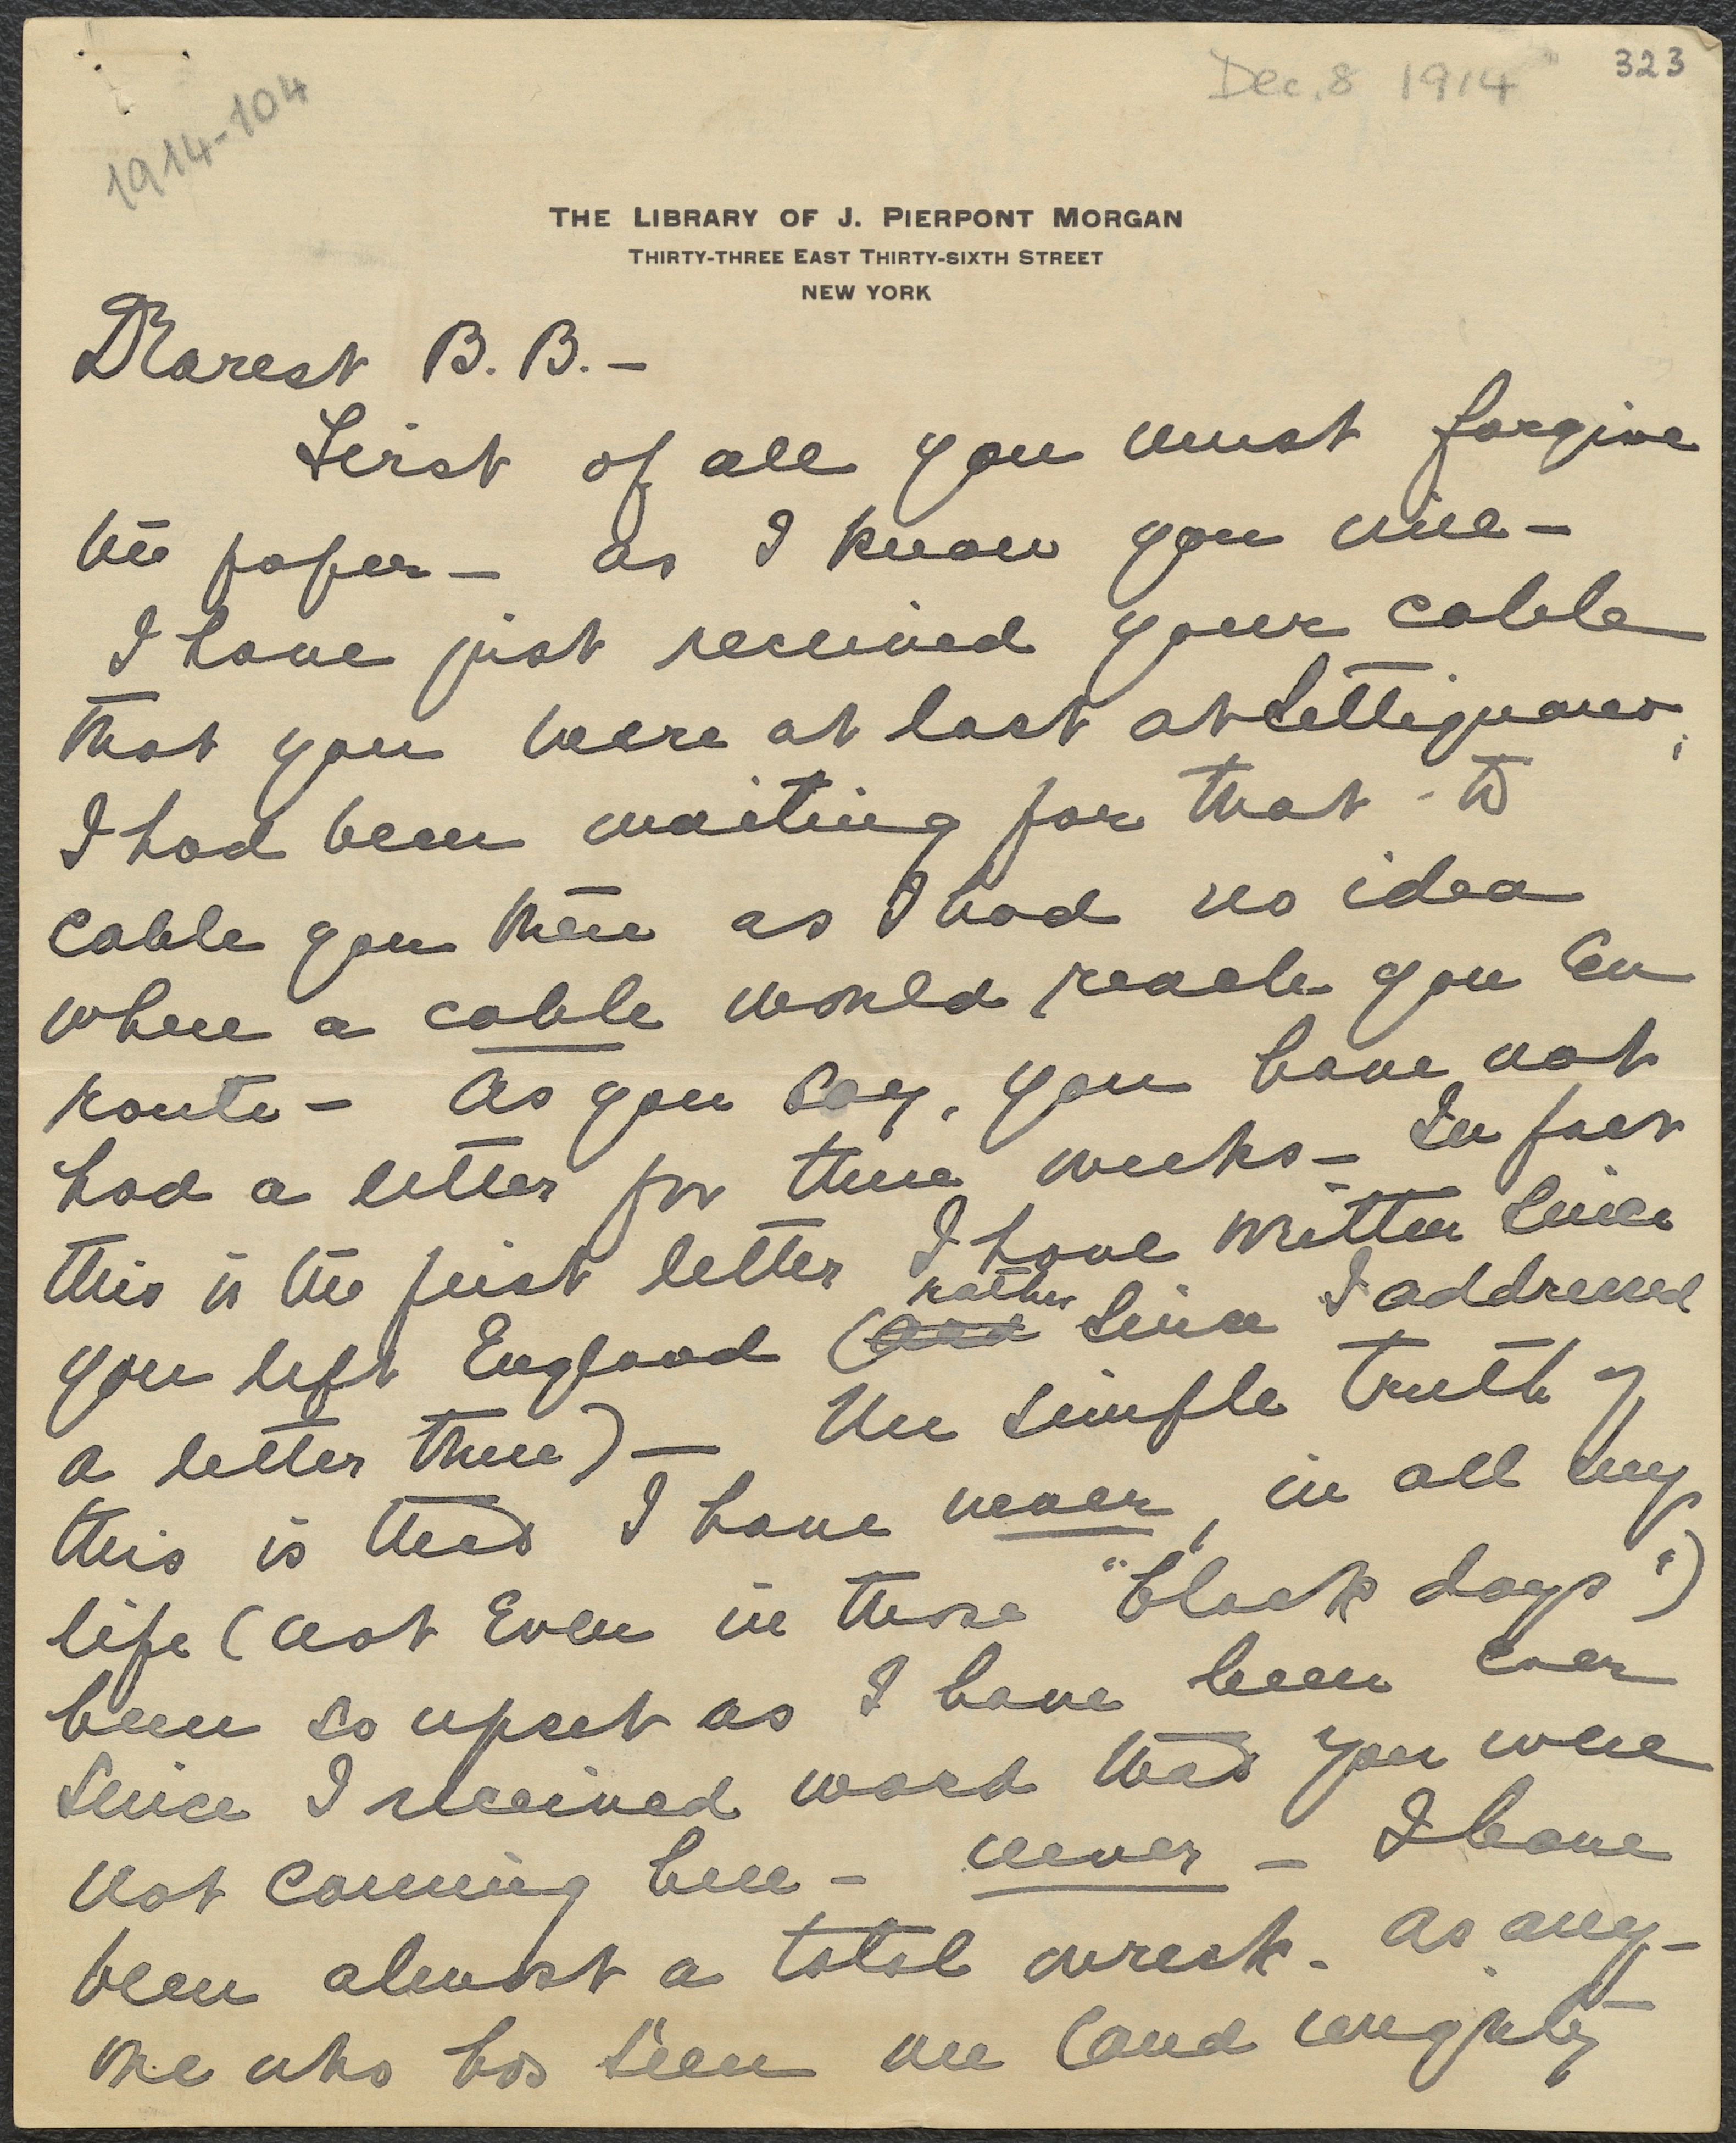Dearest B.B. –
First of all you must forgive the paper – as I know you will –
I have just received your cable that you were at last at Settignano, I had been waiting for that to cable you there as I had no idea where a cable would reach you en route – As you say, you have not had a letter for three weeks – In fact this is the first letter I have written since you left England ( and [^rather^] since I addressed a letter there) – The simple truth of this is that I have never, in all my life (not even in those “black days”) been so upset as I have been ever since I received word that you were not coming here – never – I have been almost a total wreck – As anyone who has seen me (and mighty